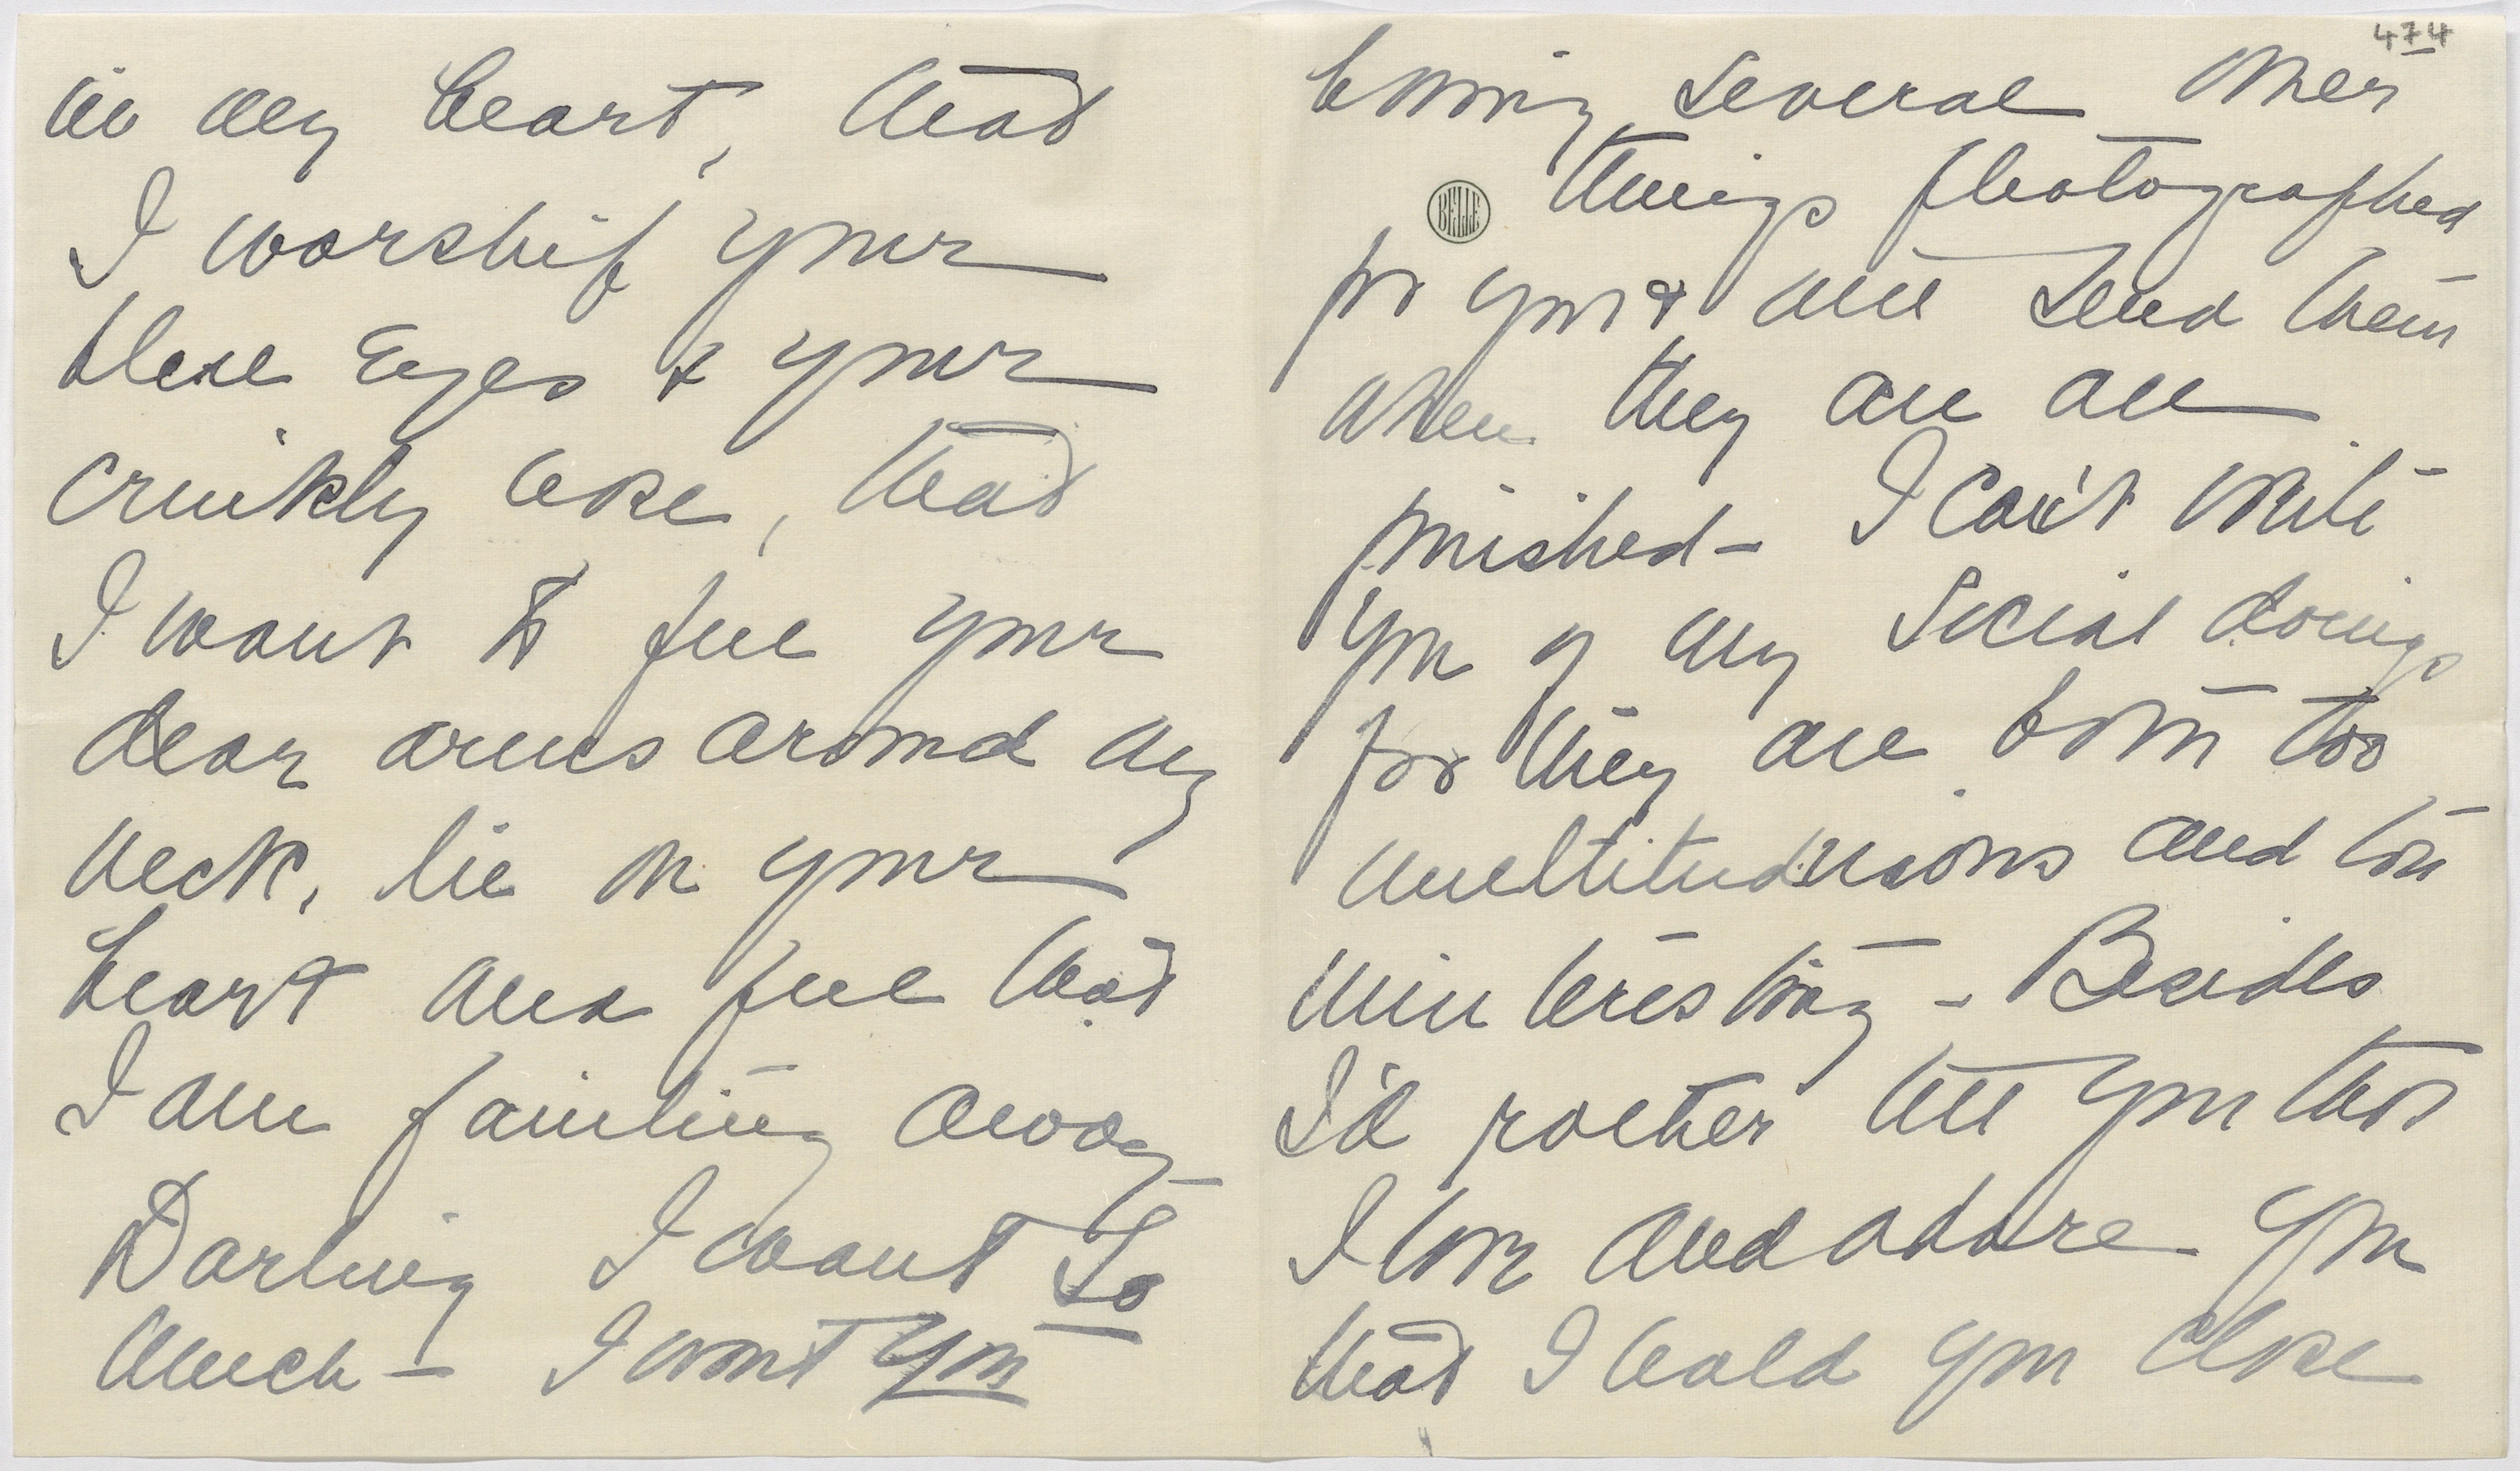having several other things photographed for you & will send them when they are all finished – I can’t write you of my social doings for they are both too multitudinous and too uninteresting – Besides I’d rather tell you that I love and adore you that I hold you close
in my heart, that I worship your blue eyes & your crinkly nose, that I want to feel your dear arms around my neck, lie on your heart and feel that I am fainting away – Darling I want so much – I want you